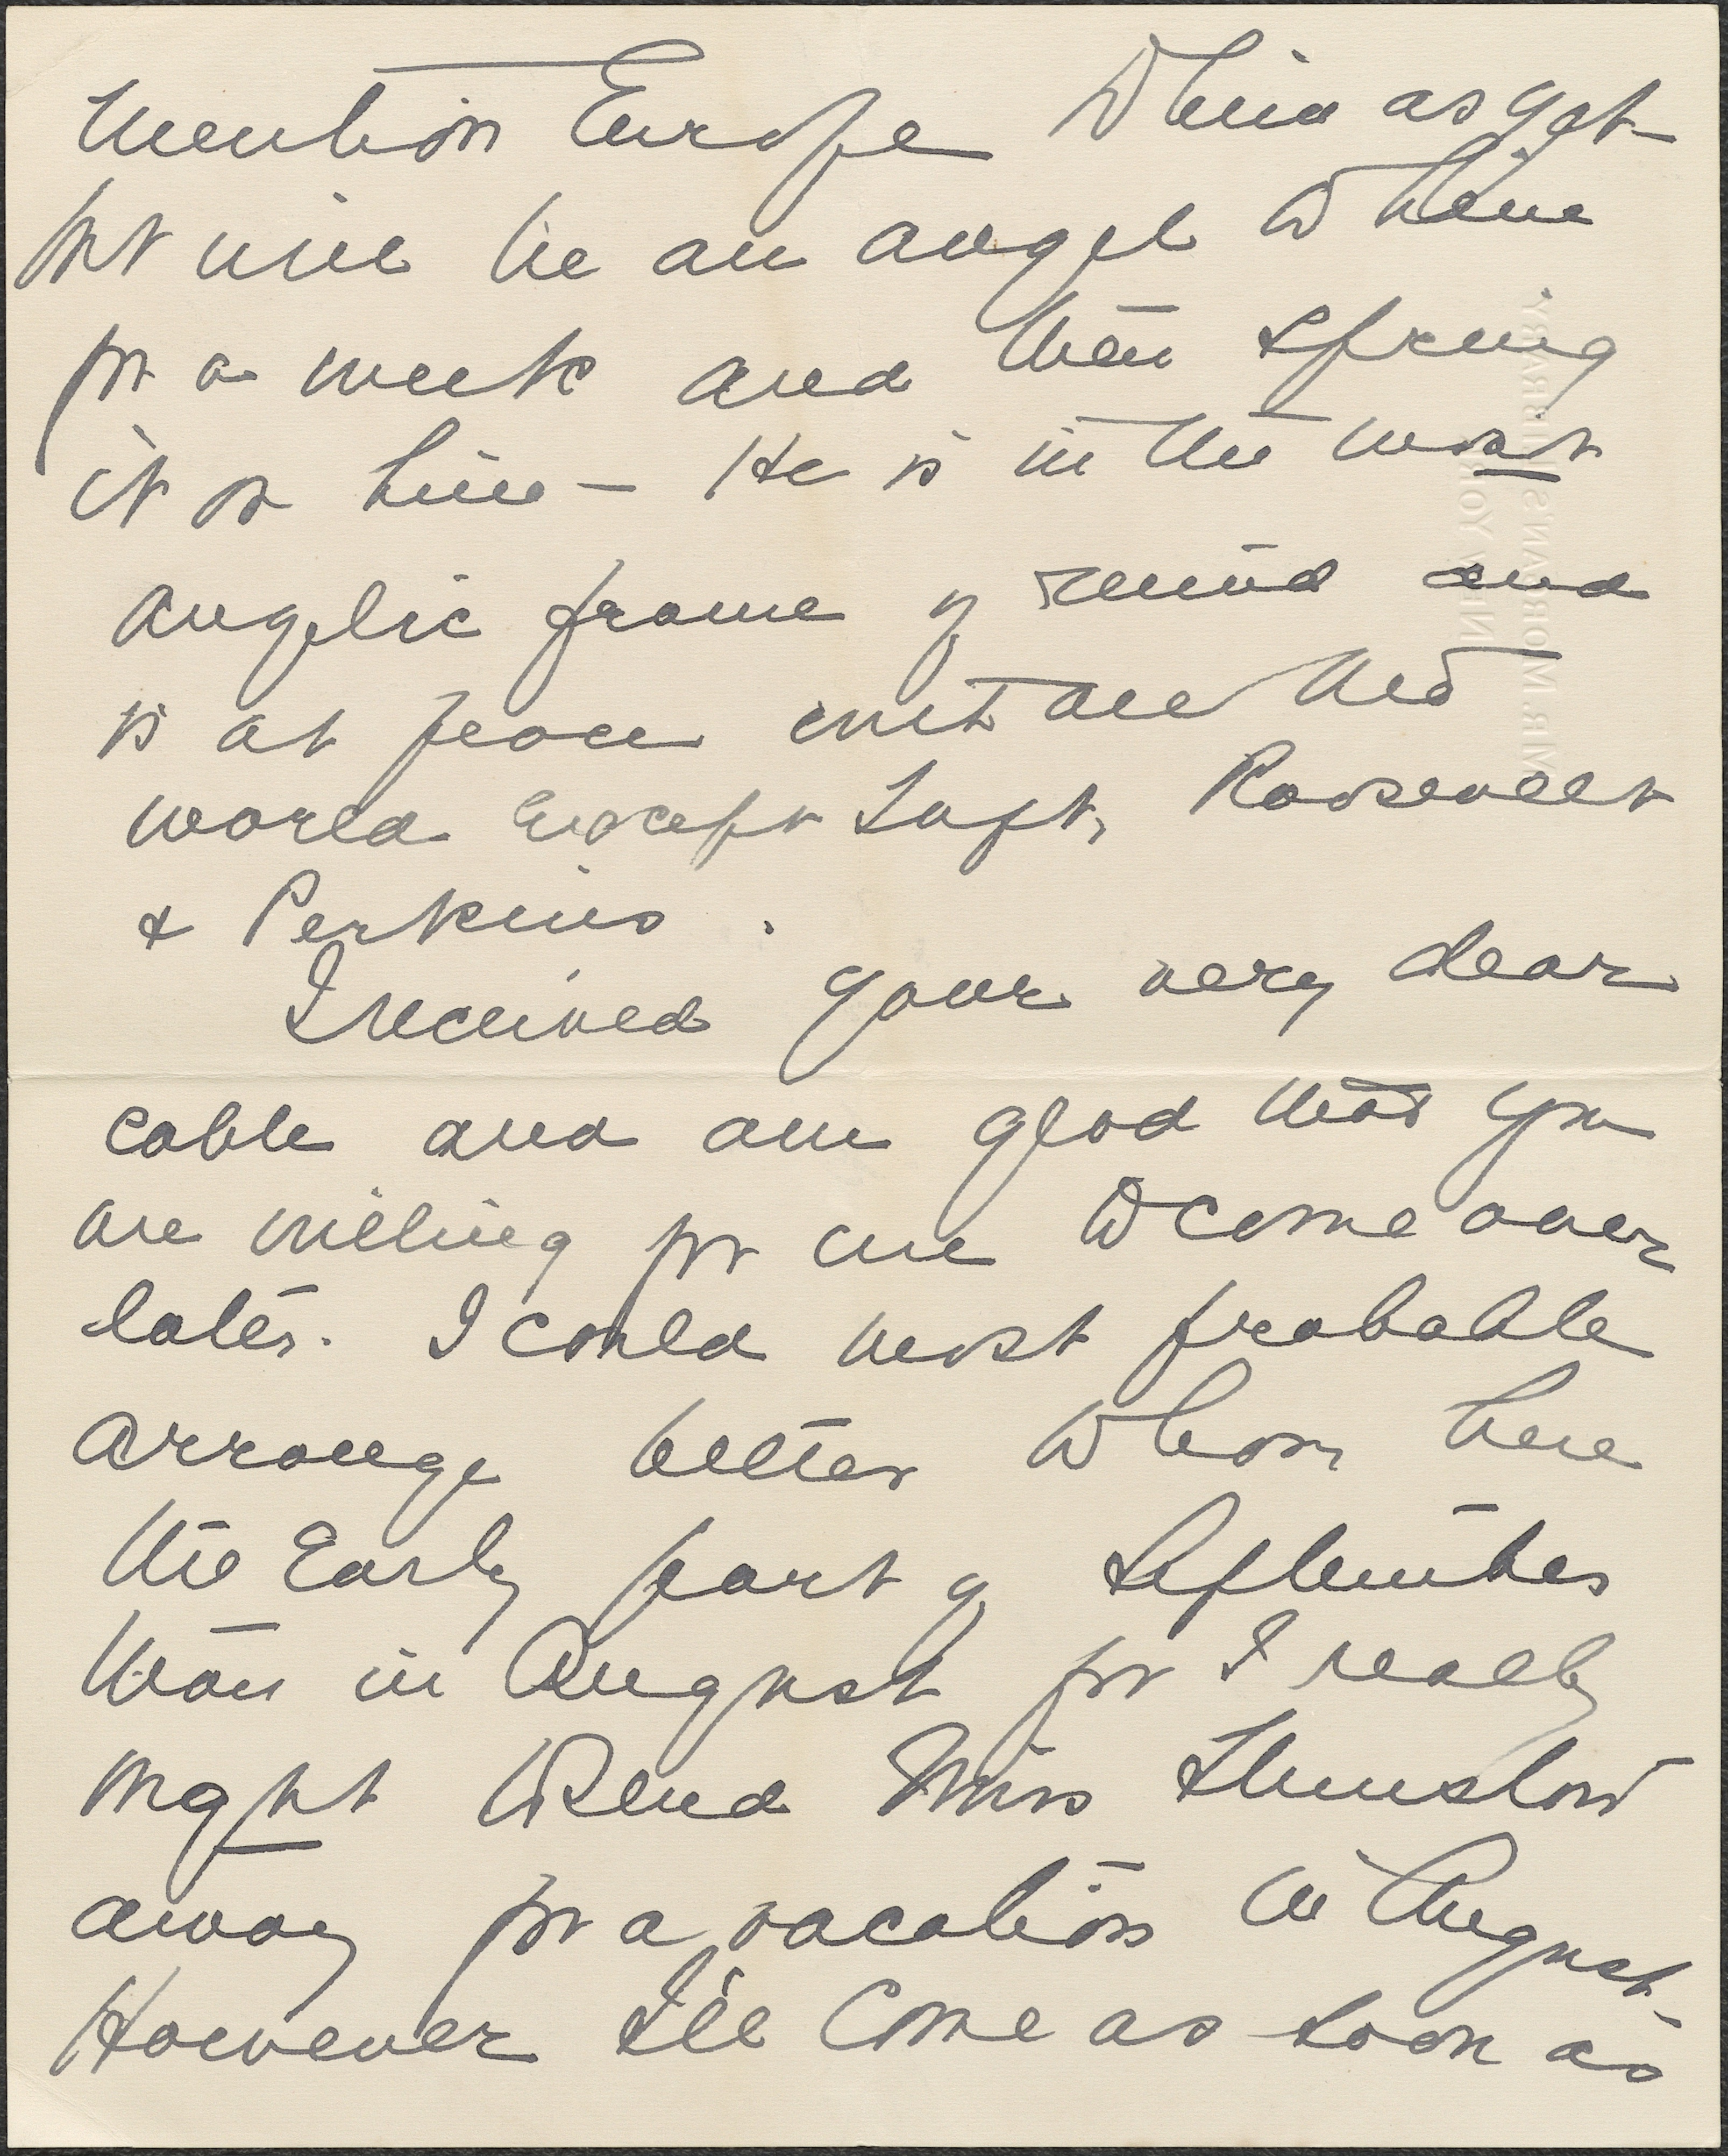mention Europe to him as yet – but will be an angel to him for a week and then spring it on him – He is in the most angelic frame of mind and is at peace with all the world except Taft, Roosevelt & Perkins.
I received your very dear cable and am glad that you are willing for me to come over later. I could most probable [sic] arrange better to have here the early part of September than in August for I really ought to send Miss Thurston away for a vacation in August – However I’ll come as soon as